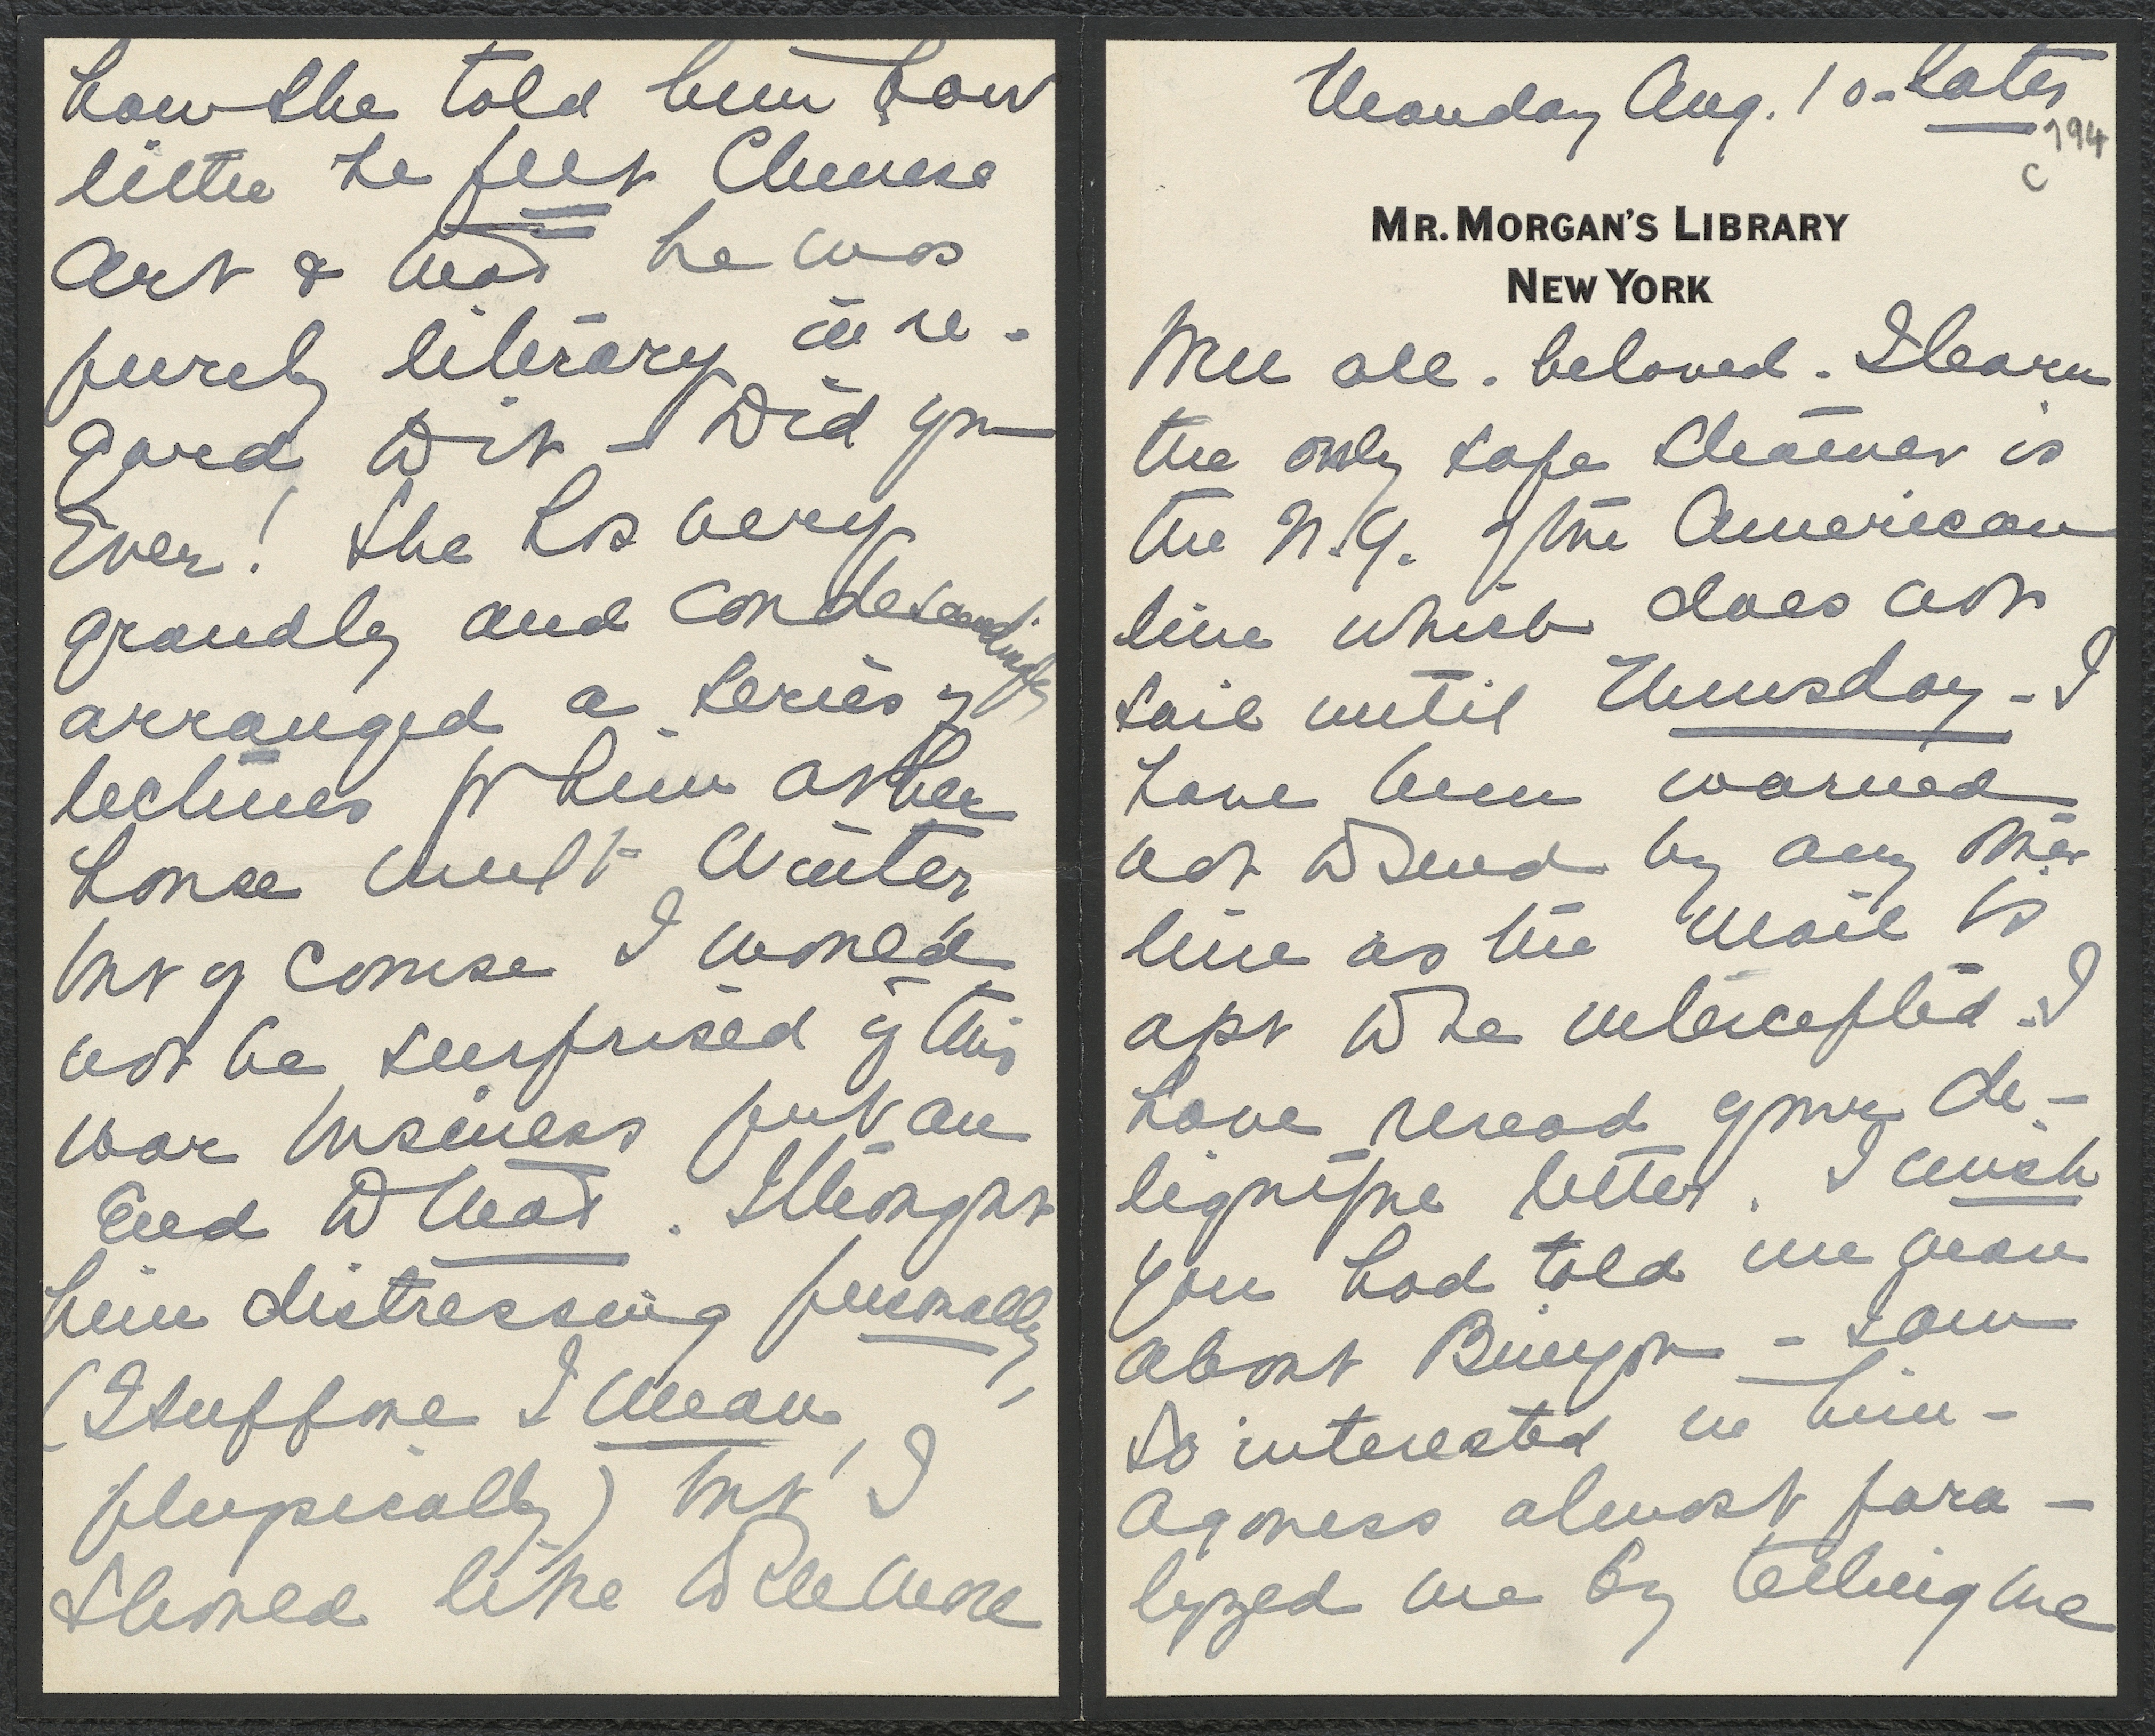Monday Aug. 10 – later
Well all-beloved – I learn the only safe steamer is the N.Y. of the American line which does not sail until Thursday – I have been warned not to send by any other line as the mail is apt to be intercepted – I have reread your delightful letter, I wish you had told me more about Binyon – I am so interested in him – Agoness almost paralyzed mee by telling me
how she told him how little he [double underlined: felt] Chinese art & that he was purely literary in regard to it – Did you Ever! She has very grandly and condescendingly arranged a series of lectures for him at her house next winter but of course I would not be surprised if this war business put an end to that. I thought him distressing personally (I suppose I mean, physically) but I should like to see more